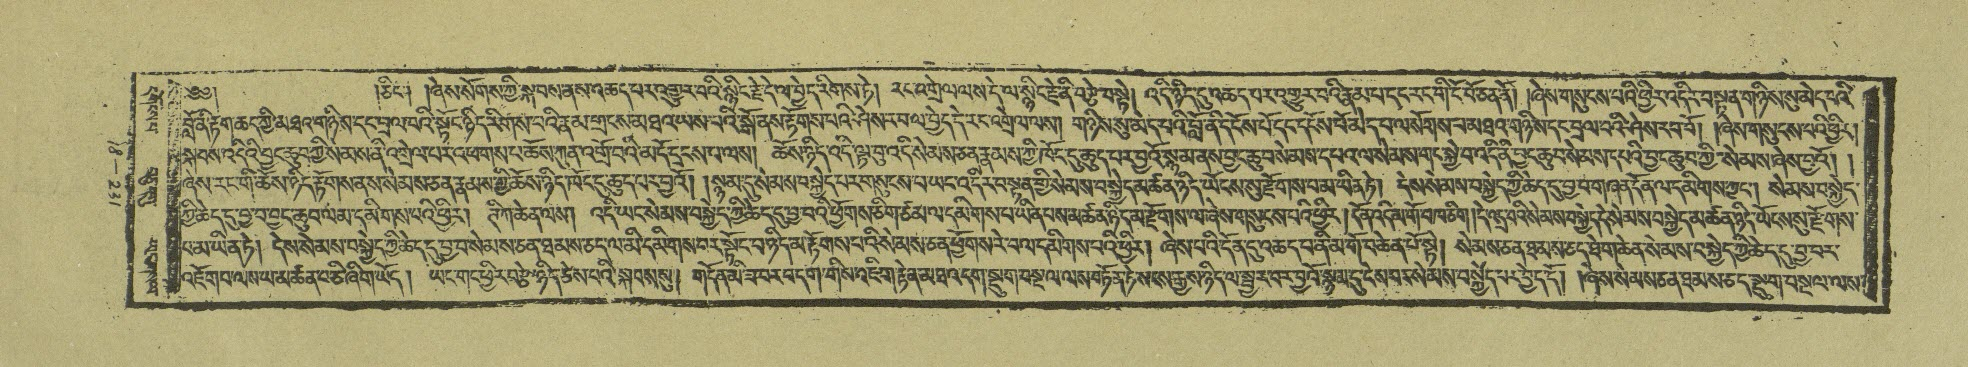༄༅། །ཅིང་། །ཞེས་སོགས་ཀྱི་སྐབས་ནས་འཆད་པར་འགྱུར་བའི་སྙིང་རྗེ་དེ་ལ་བྱེད་རིགས་ཏེ། རང་འགྲེལ་ལས་དེ་ལ་སྙིང་རྗེ་ནི་བརྩེ་བ་སྟེ། འདི་ཉིད་དུ་འཆད་པར་འགྱུར་བའི་རྣམ་པ་དང་རང་གི་ངོ་བོ་ཅན་ནོ། །ཞེས་གསུངས་པའི་ཕྱིར་འདིར་བསྟན་གཉིས་སུ་མེད་པའི་
བློ་ནི་རྟག་ཆད་ཀྱི་མཐའ་གཉིས་དང་བྲལ་བའི་སྟོང་ཉིད་རིགས་པའི་རྣམ་གྲངས་མཐའ་ཡས་པའི་སྒོ་ནས་རྟོགས་པའི་ཤེས་རབ་ལ་བྱེད་དེ་རང་འགྲེལ་ལས། གཉིས་སུ་མེད་པའི་བློ་ནི་དངོས་པོ་དང་དངོས་པོ་མེད་པ་ལ་སོགས་པ་མཐའ་གཉིས་དང་བྲལ་བའི་ཤེས་རབ་བོ། །ཞེས་གསུངས་པའི་ཕྱིར།
སྐབས་འདིའི་བྱང་ཆུབ་ཀྱི་སེམས་ནི་འགྲེལ་པར་འཕགས་པ་ཆོས་ཀུན་འགྲོ་བའི་མདོ་དྲངས་པ་ལས། ཆོས་ཉིད་འདི་ལྟ་བུ་འདི་སེམས་ཅན་རྣམས་ཀྱི་ཁོང་དུ་ཆུད་པར་བྱའོ་སྙམ་ནས་བྱང་ཆུབ་སེམས་དཔའ་ལ་སེམས་གང་སྐྱེ་བ་འདི་ནི་བྱང་ཆུབ་སེམས་དཔའི་བྱང་ཆུབ་ཀྱི་སེམས་ཞེས་བྱའོ། །
ཞེས་རང་གི་ཆོས་ཉིད་རྟོགས་ནས་སེམས་ཅན་རྣམས་ཀྱི་ཆོས་ཉིད་ཁོང་དུ་ཆུད་པར་བྱའོ། །སྙམ་དུ་སེམས་བསྐྱེད་པར་གསུངས་པ་ཡང་འདིར་བསྟན་གྱི་སེམས་བསྐྱེད་མཚན་ཉིད་ཡོངས་སུ་རྫོགས་པ་མ་ཡིན་ཏེ། དེས་སེམས་བསྐྱེད་ཀྱི་ཆེད་དུ་བྱ་བ་གཞན་དོན་ལ་དམིགས་ཀྱང་། སེམས་བསྐྱེད་
ཀྱི་ཆེད་དུ་བྱ་བ་བྱང་ཆུབ་ལམ་དམིགས་པའི་ཕྱིར། ཊིཀ་ཆེན་ལས། འདི་ཡང་སེམས་བསྐྱེད་ཀྱི་ཆེད་དུ་བྱ་བའི་ཕྱོགས་ཅིག་ཙམ་ལ་དམིགས་པ་ཡིན་པས་མཚན་ཉིད་མ་རྫོགས་ལ་ཞེས་གསུངས་པའི་ཕྱིར། དོན་འདི་མགོ་བ་ཁ་ཅིག །དེ་འདྲ་བའི་སེམས་བསྐྱེད་དེ་སེམས་བསྐྱེད་མཚན་ཉིད་ཡོངས་སུ་རྫོགས་
པ་མ་ཡིན་ཏེ། དེས་སེམས་བསྐྱེད་ཀྱི་ཆེད་དུ་བྱ་བ་སེམས་ཅན་ཐམས་ཅད་ལ་མི་དམིགས་པར་སྟོང་པ་ཉིད་མ་རྟོགས་པའི་སེམས་ཅན་ཕྱོགས་རེ་བ་ལ་དམིགས་པའི་ཕྱིར། ཞེས་པའི་དོན་དུ་འཆད་པ་ནི་མགོ་བ་ཆེན་པོ་སྟེ། སེམས་ཅན་ཐམས་ཅད་ཐེག་ཆེན་སེམས་བསྐྱེད་ཀྱི་ཆེད་དུ་བྱ་བར་
འཇོག་པ་ལས་ཡ་མཚན་པ་ཅི་ཞིག་ཡོད། ཡང་གང་ཕྱིར་བརྩེ་ཉིད་ཅེས་པའི་སྐབས་སུ། གདོན་མི་ཟ་བར་བདག་གིས་འཇིག་རྟེན་མཐའ་དག་སྡུག་བསྔལ་ལས་བཏོན་ཏེ་སངས་རྒྱས་ཉིད་ལ་སྦྱར་བར་བྱའོ་སྙམ་དུ་ངེས་པར་སེམས་བསྐྱེད་པར་བྱེད་དོ། །ཞེས་སེམས་ཅན་ཐམས་ཅད་སྡུག་བསྔལ་ལས་